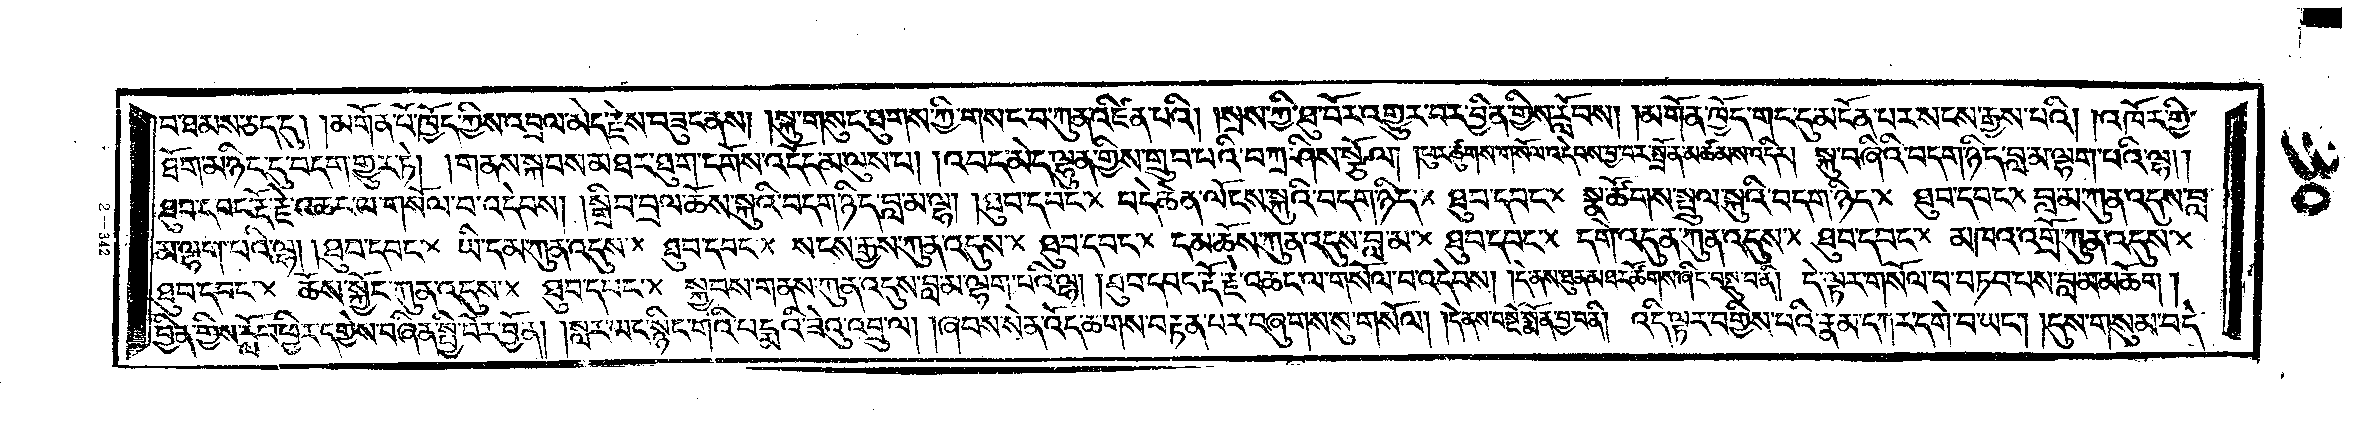བ་ཐམས་ཅད་དུ། །མགོན་པོ་ཁྱོད་ཀྱིས་འབྲལ་མེད་རྗེས་བཟུང་ནས། །སྐུ་གསུང་ཐུགས་ཀྱི་གསང་བ་ཀུན་འཛིན་པའི། །སྲས་ཀྱི་ཐུ་བོར་འགྱུར་བར་བྱིན་གྱིས་རློབས། །མགོན་ཁྱོད་གང་དུ་མངོན་པར་སངས་རྒྱས་པའི། །འཁོར་གྱི་
ཐོག་མ་ཉིང་དུ་བདག་གྱུར་ཏེ། །གནས་སྐབས་མཐར་ཐུག་དགོས་འདོད་མ་ལུས་པ། །འབད་མེད་ལྷུན་གྱིས་གྲུབ་པའི་བཀྲ་ཤིས་སྩོལ། །ཕུར་ཚུགས་གསོལ་འདེབས་བྱ་བར་སྤྲོན་མཚམས་འདིར།  སྐུ་བཞིའི་བདག་ཉིད་བླ་མ་ལྷག་པའི་ལྷ། །
ཐུབ་དབང་རྡོ་རྗེ་འཆང་ལ་གསོལ་བ་འདེབས། །སྒྲིབ་བྲལ་ཆོས་སྐུའི་བདག་ཉིད་བླ་མ་ལྷ། །ཐུབ་དབང྾་བདེ་ཆེན་ལོངས་སྐུའི་བདག་ཉིད྾་ཐུབ་དབང྾་སྣ་ཚོགས་སྤྲུལ་སྐུའི་བདག་ཉིད྾་ཐུབ་དབང྾་བླ་མ་ཀུན་འདུས་བླ་
མ་ལྷག་པའི་ལྷ། །ཐུབ་དབང྾་ཡི་དམ་ཀུན་འདུས྾་ཐུབ་དབང྾་སངས་རྒྱས་ཀུན་འདུས྾་ཐུབ་དབང྾་དམ་ཆོས་ཀུན་འདུས་བླ་མ྾་ཐུབ་དབང྾་དགེ་འདུན་ཀུན་འདུས྾་ཐུབ་དབང྾་མཁའ་འགྲོ་ཀུན་འདུས྾་
ཐུབ་དབང྾་ཆོས་སྐྱོང་ཀུན་འདུས྾་ཐུབ་དབང྾་སྐྱབས་གནས་ཀུན་འདུས་བླ་མ་ལྷག་པའི་ལྷ། །ཐུབ་དབང་རྡོ་རྗེ་འཆང་ལ་གསོལ་བ་འདེབས། །དེ་ནས་ཐུན་མཐར་ཚོགས་ཞིང་བསྡུ་བ་ནི།  དེ་ལྟར་གསོལ་བ་བཏབ་པས་བླ་མ་མཆོག །
བྱིན་གྱིས་རློབ་ཕྱིར་དགྱེས་བཞིན་སྤྱི་བོར་བྱོན། །སླར་ཡང་སྙིང་གའི་པདམའི་ཟེའུ་འབྲུ་ལ། །ཞབས་སེན་འོད་ཆགས་བརྟན་པར་བཞུགས་སུ་གསོལ། །དེ་ནས་བསྔོ་སྨོན་བྱ་བ་ནི།  འདི་ལྟར་བགྱིས་པའི་རྣམ་དཀར་དགེ་བ་ཡང་། །དུས་གསུམ་བདེ་